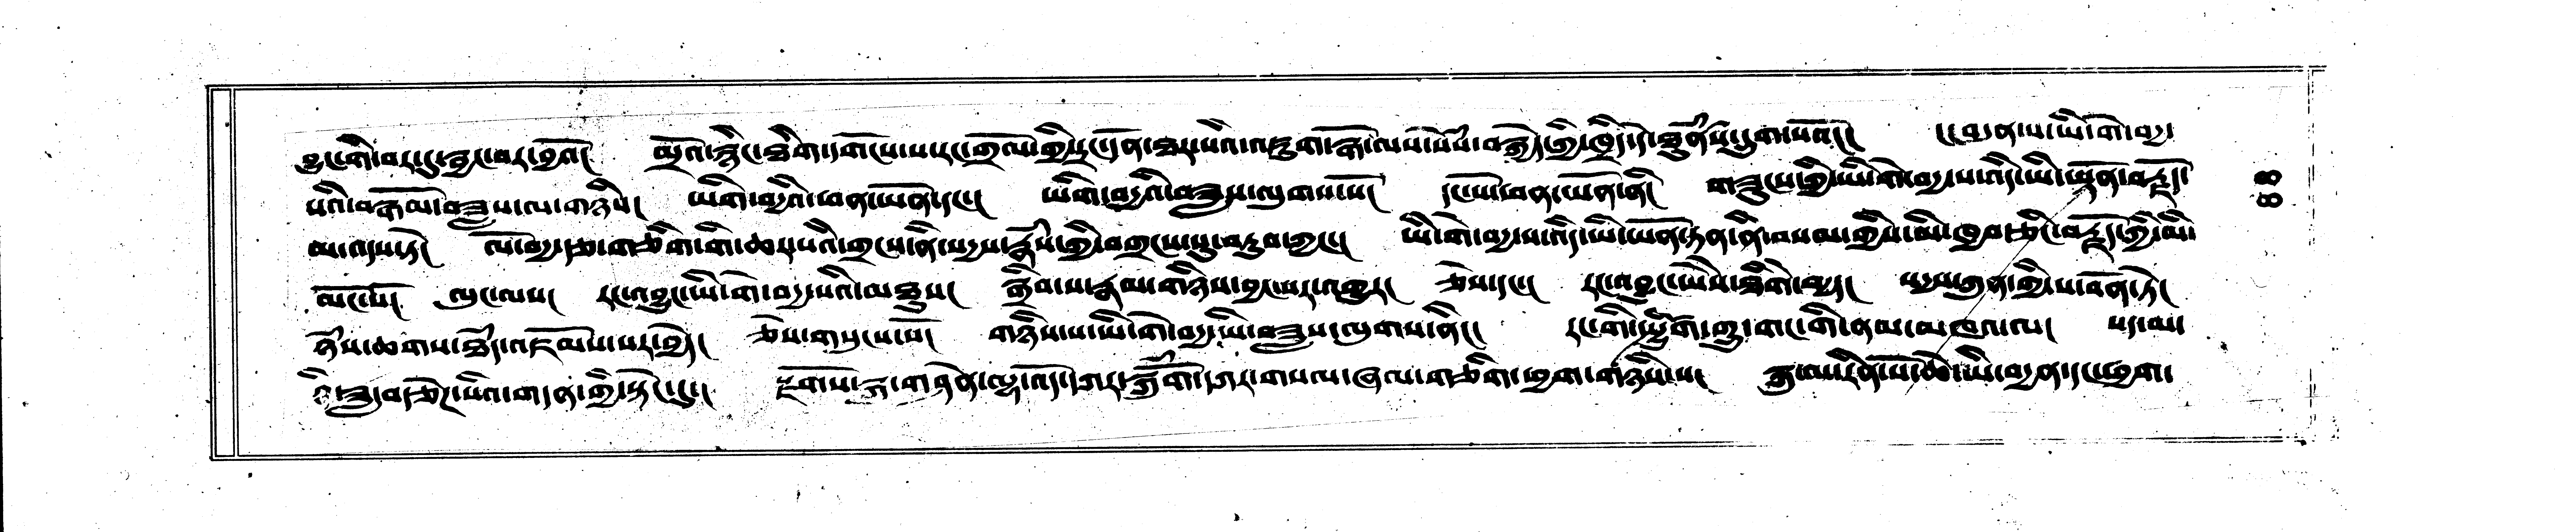བྱུང་གི་བར་དུ་སྦྱང་བར་བྱའོ། །མཁའ་འགྲོ་སྙིང་ཐིག་དགོངས་པ་རང་གྲོལ་གྱི་དྲང་དོན་ཐར་པའི་འཇུག་སྒོ་ལས་སེམས་བསྐྱེད་ཀྱི་ཁྲིད་དེ་ཐུན་མཚམས་དྲུག་པའོ།། །།བདུན་པ་ཡི་གེ་བརྒྱ་
པའི་སྒོམ་བཟླས་ལ་གཉིས་ཏེ། ཡིག་བརྒྱའི་ཕན་ཡོན་དང་། ཡིག་བརྒྱའི་བཟླས་ལུགས་སོ། །དང་པོ་ཕན་ཡོན་ནི། གཟུངས་ཀྱི་ཡི་གེ་བརྒྱ་པ་འདི་ཡི་ཡོན་ཏན་བརྗོད་
ལས་འདས་ཏེ། ལོ་བརྒྱ་རྩ་གཅིག་གི་ཆར་པའི་གྲངས་ནི་སངས་རྒྱས་རྣམས་ཀྱིས་བགྲང་དུ་བཏུབ་ཀྱང་། ཡི་གེ་བརྒྱ་པ་འདི་ཡི་ཕན་ཡོན་ནི། བསམ་གྱིས་མི་ཁྱབ་ཅིང་བརྗོད་ཀྱིས་མི་
ལང་ངོ་། ལུང་ལས། རང་འབྱུང་ཡི་གེ་བརྒྱ་པའི་མཐུས། །སྒྲིབ་པ་རྣམ་གཉིས་བྱང་བར་འགྱུར། །ཅེས་དང་། རང་འབྱུང་ཡེ་ཤེས་ཐིག་ལེ་བརྒྱད། །སངས་རྒྱས་ཀུན་གྱི་ས་བོན་ཏེ། 
།ཉམས་ཆགས་ཐམས་ཅད་འཇོམས་པར་བྱེད། །ཅེས་གསུངས་སོ། །གཉིས་པ་ཡི་གེ་བརྒྱ་པའི་བཟླས་ལུགས་ནི། རང་གི་སྤྱི་གཙུག་ཁྲུ་གང་གི་ནམ་མཁའ་ལ། པད་མ་
ཉི་ཟླ་བརྩེགས་པའི་གདན་གྱི་སྟེང་དུ་རྫོགས་སྐུ་གཤེན་ལྷ་འོད་དཀར་སྐུ་མདོག་དཀར་གསལ་ཞལ་གཅིག་ཕྱག་གཉིས་པ། སྐུ་ལ་རིན་པོ་ཆེའི་རྒྱན་དང་ཕྱག་